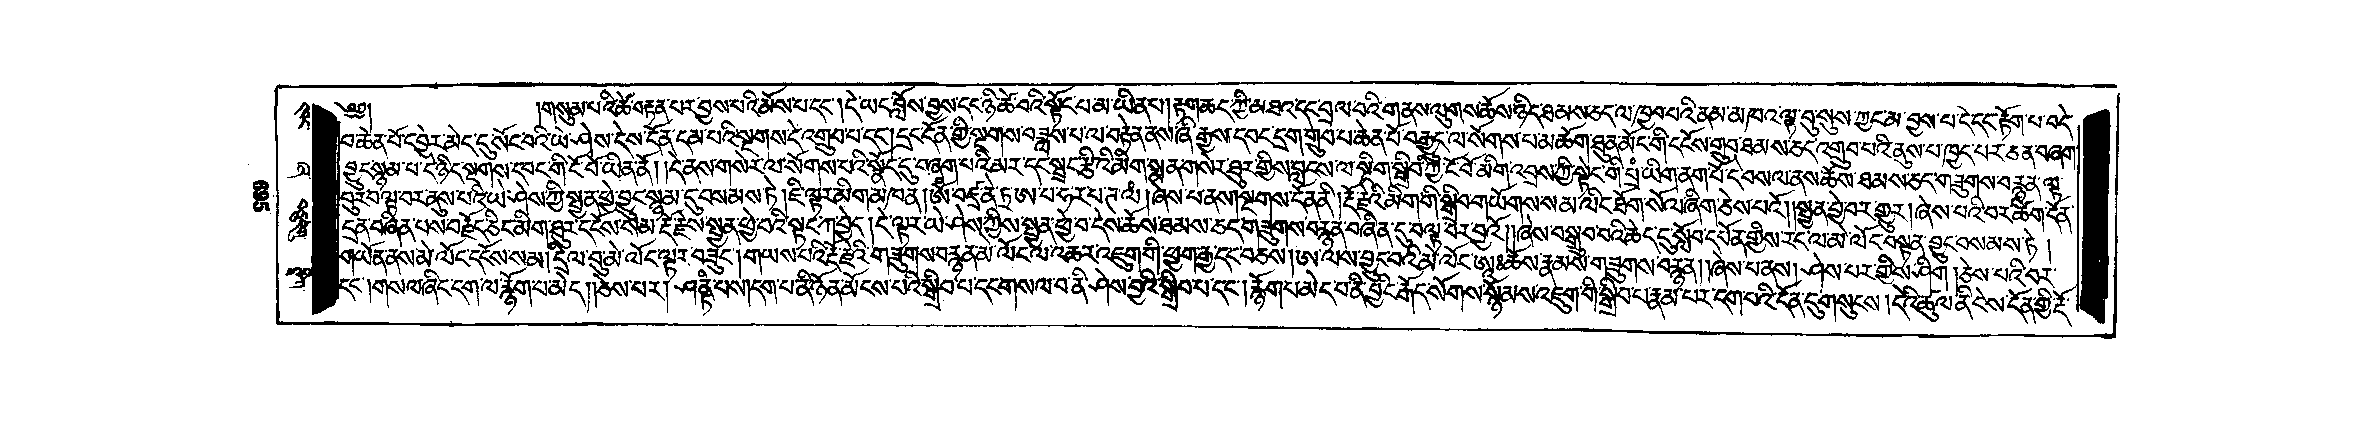༄༅། །གསུམ་པའི་ཚེ་བརྟན་པར་བྱས་པའི་མོས་པ་དང་། དེ་ཡང་བློས་བྱས་དང་ཉི་ཚེ་བའི་སྟོང་པ་མ་ཡིན་པ། རྟག་ཆད་ཀྱི་མཐའ་དང་བྲལ་བའི་གནས་ལུགས་ཆོས་ཉིད་ཐམས་ཅད་ལ་ཁྱབ་པའི་ནམ་མཁའ་ལྟ་བུ་སུས་ཀྱང་མ་བྱས་པ་དེ་དང་རྟོག་པ་བདེ་
བ་ཆེན་པོ་དབྱེར་མེད་དུ་སོང་བའི་ཡེ་ཤེས་དེས་དོན་དམ་པའི་སྔགས་དེ་འགྲུབ་པ་དང་། དྲང་དོན་གྱི་སྔགས་བཟླས་པ་ལ་བརྟེན་ནས་ཞི་རྒྱས་དབང་དྲག་གྲུབ་པ་ཆེན་པོ་བརྒྱུད་ལ་སོགས་པ་མཆོག་ཐུན་མོང་གི་དངོས་གྲུབ་ཐམས་ཅད་འགྲུབ་པའི་ནུས་པ་ཁྱད་པར་ཅན་བཞག་
བྱུང་སྙམ་པ་དེ་ཉིད་སྔགས་དབང་གི་ངོ་བོ་ཡིན་ནོ། །དེ་ནས་གསེར་ལ་སོགས་པའི་སྣོད་དུ་བཞག་པའི་མར་དང་སྦྲང་རྩིའི་མིག་སྨན་གསེར་ཐུར་གྱིས་བླངས་ལ་སྡིག་སྒྲིབ་ཀྱི་ངོ་བོ་མིག་འབྲས་ཀྱི་སྟེང་གི་པྲཾ་ཡིག་ནག་པོ་དེ་བསལ་ནས་ཆོས་ཐམས་ཅད་གཟུགས་བརྙན་ལྟ་
བུར་བལྟ་བར་ནུས་པའི་ཡེ་ཤེས་ཀྱི་སྤྱན་ཕྱེ་བྱུང་སྙམ་དུ་བསམས་ཏེ། ཇི་ལྟར་མིག་མཁན། ཨོཾ་བྫྲ་ནེ་ཏྲ་ཨ་པ་ཧ་ར་པ་ཊ་ལཾ། ཞེས་པ་ནས། སྔགས་དོན་ནི། རྡོ་རྗེའི་མིག་གི་སྒྲིབ་གཡོགས་སམ་ལིང་ཐོག་སོལ་ཞིག་ཅེས་པའོ། །སྤྱན་བྱེ་བར་གྱུར། ཞེས་པའི་བར་ཚིག་དོན་
དྲན་བཞིན་པས་བརྗོད་ཅིང་མིག་ཐུར་དངོས་སམ་རྡོ་རྗེས་སྤྱན་ཕྱེ་བའི་སྟང་ཀ་བྱེད། དེ་ལྟར་ཡེ་ཤེས་ཀྱིས་སྤྱན་ཕྱེ་བ་དེས་ཆོས་ཐམས་ཅད་གཟུགས་བརྙན་བཞིན་དུ་བལྟ་བར་བྱའོ། །ཞེས་བསྒྲུབ་བའི་ཆེད་དུ་སློབ་དཔོན་གྱིས་རང་ལ་མ་ལོང་བསྟན་བྱུང་བསམས་ཏེ།
གཡོན་ནས་མེ་ལོང་དངོས་སམ། དྲིལ་བུ་མེ་ལོང་ལྟར་བཟུང་། གཡས་པའི་རྡོ་རྗེའི་གཟུགས་བརྙན་མེ་ལོང་ལ་འཆར་འཇུག་གི་ཕྱག་རྒྱ་དང་བཅས། ཨ་ལས་བྱུང་བའི་མེ་ལོང་ཨཱཿ ཆོས་རྣམས་གཟུགས་བརྙན། །ཞེས་པ་ནས། ཤེས་པར་གྱིས་ཤིག །ཅེས་པའི་བར་
དང་། གསལ་ཞིང་དག་ལ་རྙོག་པ་མེད། །ཅེས་པར། ཤནྟི་པས། དག་པ་ནི་ཉོན་མོངས་པའི་སྒྲིབ་པ་དང་གསལ་བ་ནི་ཤེས་བྱའི་སྒྲིབ་པ་དང་། རྙོག་པ་མེད་པ་ནི་བྱིང་རྒོད་སོགས་སྙོམས་འཇུག་གི་སྒྲིབ་པ་རྣམ་པར་དག་པའི་དོན་དུ་གསུངས། དེའི་ཚུལ་ནི་ངེས་དོན་གྱི་རྡོ་